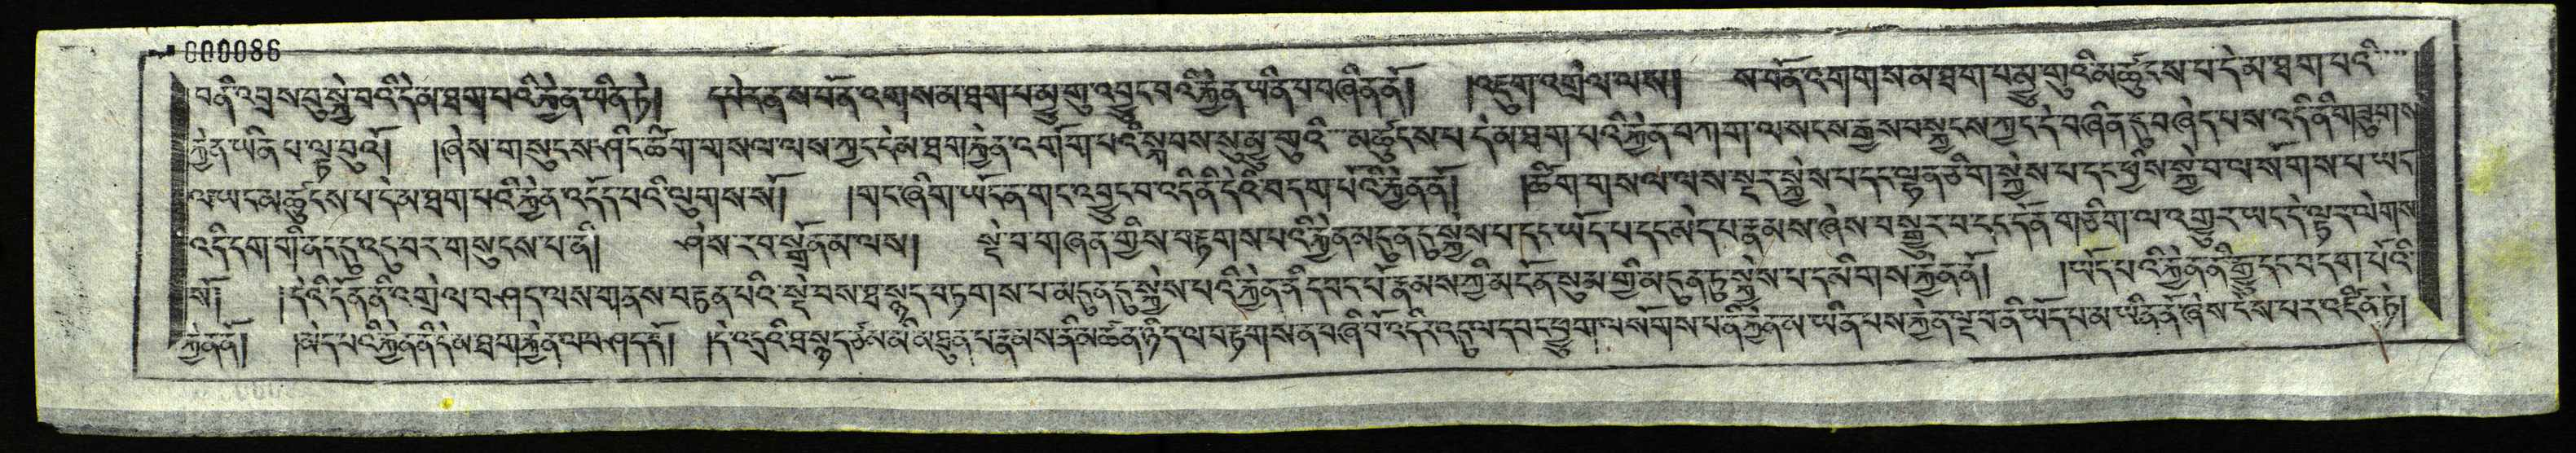བ་ནི་འབྲས་བུ་སྐྱེ་བའི་དེ་མ་ཐག་པའི་རྐྱེན་ཡིན་ཏེ། དཔེར་ན་ས་བོན་འགས་མ་ཐག་པ་མྱུ་གུ་འབྱུང་བའི་རྐྱེན་ཡིན་པ་བཞིན་ནོ། །འཇུག་འགྲེལ་ལས། ས་བོན་འགགས་མ་ཐག་པ་མྱུ་གུའི་མཚུངས་པ་དེ་མ་ཐག་པའི་
རྐྱེན་ཡིན་པ་ལྟ་བུའོ། །ཞེས་གསུངས་ཤིང་ཚིག་གསལ་ལས་ཀྱང་དེ་མ་ཐག་རྐྱེན་འགོག་པའི་སྐབས་སུ་མྱུ་གུའི་མཚུངས་པ་དེ་མ་ཐག་པའི་རྐྱེན་བཀག་ལ་སངས་རྒྱས་བསྐྱངས་ཀྱང་དེ་བཞིན་དུ་བཞེད་པས་འདི་ནི་གཟུགས་
ལ་ཡང་མཚུངས་པ་དེ་མ་ཐག་པའི་རྐྱེན་འདོད་པའི་ལུགས་སོ། །གང་ཞིག་ཡོད་ན་གང་འབྱུང་བ་འདི་ནི་དེའི་བདག་པོའི་རྐྱེན་ནོ། །ཚིག་གསལ་ལས་སྔར་སྐྱེས་པ་དང་ལྷན་ཅིག་སྐྱེས་པ་དང་ཕྱིས་སྐྱེ་བ་ལ་སོགས་པ་ཡང་
འདི་དག་གི་ནང་དུ་འདུ་བར་གསུངས་པ་ནི། ཤེས་རབ་སྒྲོན་མ་ལས། སྡེ་བ་གཞན་གྱིས་བརྟགས་པའི་རྐྱེན་མདུན་དུ་སྐྱེས་པ་དང་ཡོད་པ་དང་མེད་པ་རྣམས་ཞེས་བསྒྱུར་བ་དང་དོན་གཅིག་ལ་འགྱུར་ཡང་དེ་ལྟར་ལེགས་
སོ། །དེའི་དོན་ནི་འགྲེལ་བཤད་ལས་གཞན་བརྟན་པའི་སྡེ་བས་ཐ་སྙད་བཏགས་པ་མདུན་དུ་སྐྱེས་པའི་རྐྱེན་ནི་དབང་པོ་རྣམས་ཀྱི་མངོན་སུམ་གྱི་མདུན་ཏུ་སྐྱེས་པ་དམིགས་རྐྱེན་ནོ། །ཡོད་པའི་རྐྱེན་ནི་རྒྱུ་དང་བདག་པོའི་
རྐྱེན་ནོ། །མེད་པའི་རྐྱེན་ནི་དེ་མ་ཐག་རྐྱེན་ལ་བཤད་དོ། །དེ་འདྲའི་ཐ་སྙད་ཙམ་མི་མཐུན་པ་རྣམས་ནི་མཚན་ཉིད་ལ་བརྟགས་ན་བཞི་པོ་འདིར་འདུལ་དབང་ཕྱུག་ལ་སོགས་པ་ནི་རྐྱེན་མ་ཡིན་པས་རྐྱེན་ལྔ་པ་ནི་ཡོད་པ་མ་ཡིན་ནོ་ཞེས་ངེས་པར་འཛིན་ཏེ།